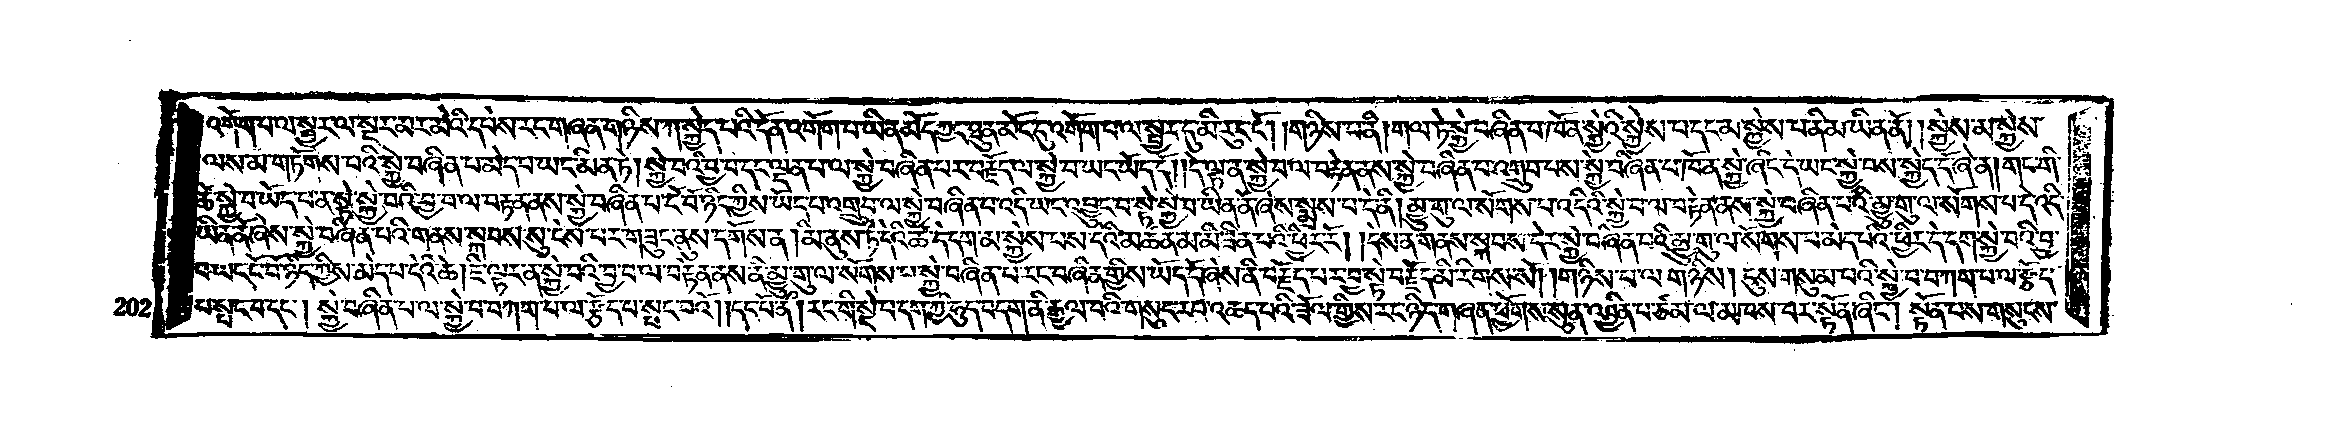འགོག་པ་ལ་སྦྱར་ལ་སྔར་མར་མེའི་དཔེས་རང་གཞན་གཉིས་ཀ་སྐྱེད་པའི་དོན་འགོག་པ་ཡིན་མོད་ཀྱང་ཐུན་མོང་དུ་འགོག་པ་ལ་སྦྱར་དུ་མི་རུང་ངོ། །གཉིས་པ་ནི། གལ་ཏེ་སྐྱེ་བཞིན་པ་ཁོ་ན་སྐྱེའི་སྐྱེས་པ་དང་མ་སྐྱེས་པ་ནི་མ་ཡིན་ནོ། །སྐྱེས་མ་སྐྱེས་
ལས་མ་གཏོགས་པའི་སྐྱ་བཞིན་པ་མེད་པ་ཡང་མིན་ཏེ། སྐྱེ་བའི་བྱ་བ་དང་ལྡན་པ་ལ་སྐྱེ་བཞིན་པར་བརྗོད་ལ་སྐྱེ་བ་ཡང་ཡོད་དོ། །དེ་ལྟ་ན་སྐྱེ་བ་ལ་བརྟེན་ནས་སྐྱེ་བཞིན་པ་འགྲུབ་པས་སྐྱེ་བཞིན་པ་ཁོ་ན་སྐྱེ་ཞིང་དེ་ཡང་སྐྱེ་བས་སྐྱེད་དོ་ཞ་ན། གང་གི་
ཚེ་སྐྱེ་བ་ཡོད་པ་ན་སྟེ་སྐྱེ་བའི་བྱ་བ་ལ་བརྟན་ནས་སྐྱེ་བཞིན་པ་ངོ་བོ་ཉིད་ཀྱིས་ཡོད་པ་འགྲུབ་ལ་སྐྱེ་བཞིན་པ་འདི་ཡང་འབྱུང་བ་སྟེ་སྐྱེ་བ་ཡིན་ནོ་ཞེས་སྨྲས་པ་དེ་ནི། མྱུ་གུ་ལ་སོགས་པ་འདིའི་སྐྱེ་བ་ལ་བརྟེན་ནས་སྐྱེ་བཞིན་པའི་མྱུ་གུ་ལ་སོགས་པ་ད་འདི་
ཡིན་ནོ་ཞེས་སྐྱེ་བཞིན་པའི་གནས་སྐབས་སུ་ངེས་པར་གཟུང་ནུས་དགོས་ན། མི་ནུས་ཏེ་དེའི་ཚེ་དེ་དག་མ་སྐྱེས་པས་དེའི་མཚན་མ་མི་ཟིན་པའི་ཕྱིར་རོ། །དེས་ན་གནས་སྐབས་དེར་སྐྱེ་བཞིན་པའི་མྱུ་གུ་ལ་སོགས་པ་མེད་པའི་ཕྱིར་དེ་དག་སྐྱེ་བའི་བྱ་
བ་ཡང་ངོ་བོ་ཉིད་ཀྱིས་མེད་པ་དེའི་ཚེ། ཇི་ལྟར་ན་སྐྱེ་བའི་བྱ་བ་ལ་བརྟེན་ནས་ནི་མྱུ་གུ་ལ་སོགས་པ་སྐྱེ་བཞིན་པ་རང་བཞིན་གྱིས་ཡོད་དོ་ཞེས་ནི་བརྗོད་པར་བྱ་སྟེ་བརྗོད་མི་རིགས་སོ། །གཉིས་པ་ལ་གཉིས། དུས་གསུམ་པའི་སྐྱེ་བ་བཀག་པ་ལ་རྩོད་
པ་སྤང་བ་དང་། སྐྱེ་བཞིན་པ་ལ་སྐྱེ་བ་བཀག་པ་ལ་རྩོད་པ་སྤང་བའོ། །དང་པོ་ནི། རང་གི་སྡེ་པ་དག་ཀྱི་ཧུད་བདག་ནི་རྒྱལ་བའི་གསུང་རབ་འཆད་པའི་ཟོལ་གྱིས་རང་ཉིད་གཞན་ཕྱོགས་སུན་འབྱིན་པ་ཙམ་ལ་མཁས་པར་སྟོན་ཞིང་། སྟོན་པས་གསུངས་